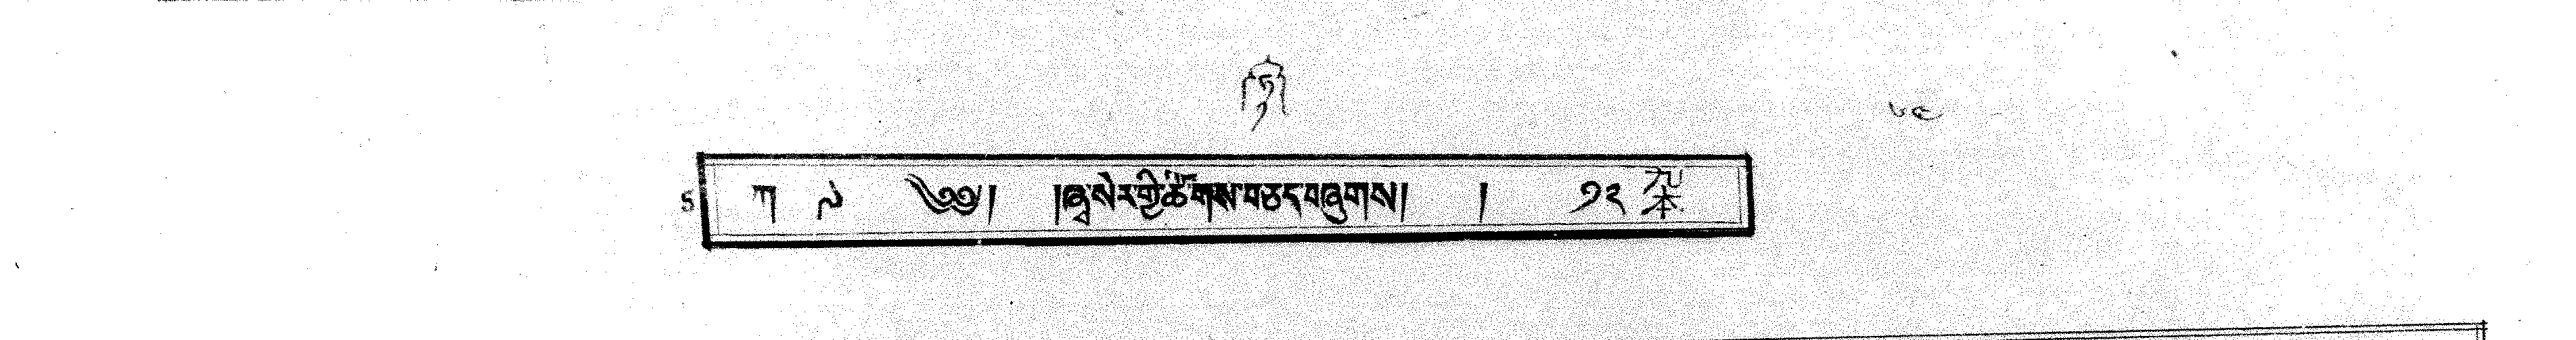ཏ ༡?
ཀ ༧་༄༅། །ཞྭ་སེར་གྱི་ཚིགས་བཅད་བཞུགས། ། ༡༢